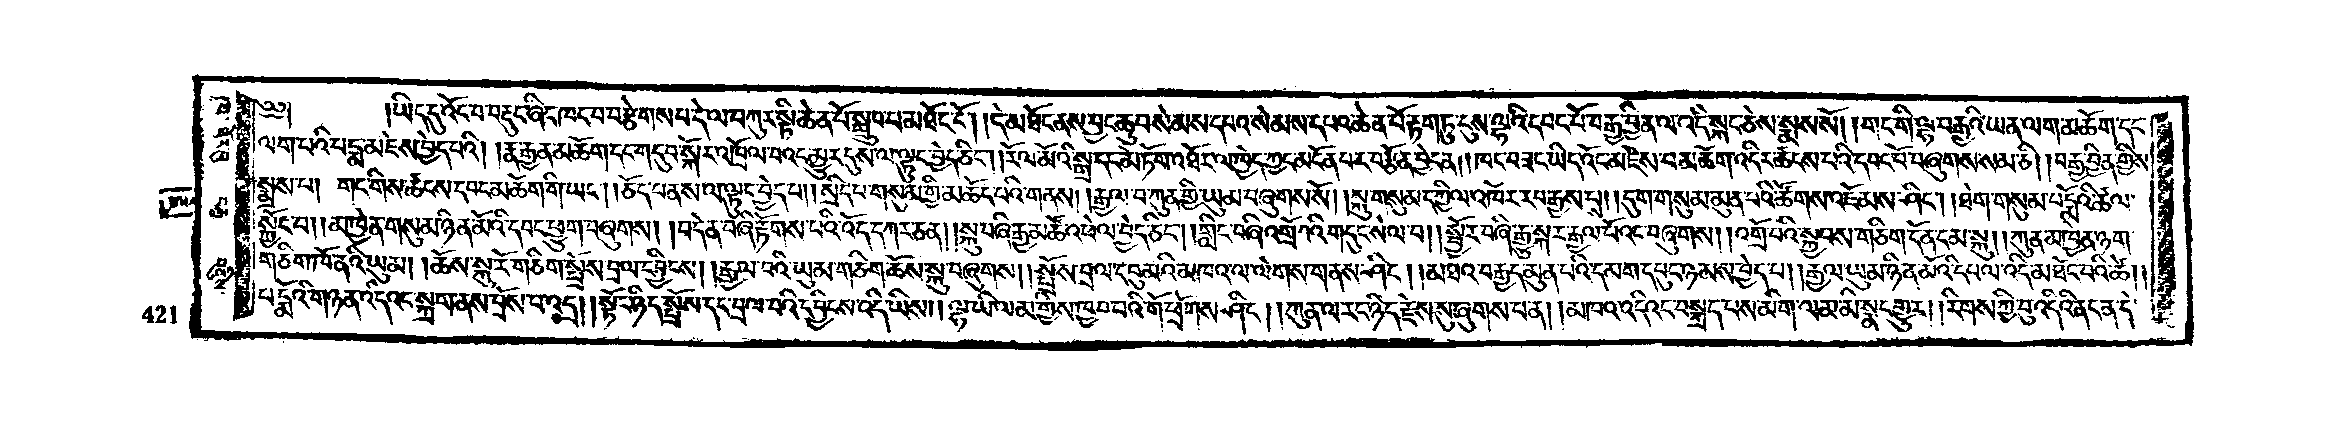༄༅། །ཡིད་དུ་འོང་བ་བརྡུང་ཞིང་ཁང་བ་བརྩེགས་པ་དེ་ལ་བཀུར་སྟི་ཆེན་པོ་སྒྲུབ་པ་མཐོང་ངོ། །དེ་མཐོང་ནས་བྱང་ཆུབ་སེམས་དཔའ་སེམས་དཔའ་ཆེན་པོ་རྟག་ཏུ་ངེས་ལྷའི་དབང་པོ་བརྒྱ་བྱིན་ལ་འདི་སྐད་ཅེས་སྨྲས་སོ། །གང་གི་ལྷ་བརྒྱའི་ཡན་ལག་མཆོག་དང་
ལག་པའི་པདམ་མཛེས་བྱེད་པའི། །རྣ་རྒྱན་མཆོག་དང་གདུབ་སྐོར་འཁྲོལ་བའང་མྱུར་དུས་ལ་ལྟུང་བྱེད་ཅིང་། །རོལ་མོའི་སྒྲ་དང་མེ་ཏོག་འཐོར་ལ་ཁྱོད་ཀྱང་མངོན་པར་བརྩོན་བྱེད་ན། །ཁང་བཟང་ཡིད་འོང་མཛེས་པ་མཆོག་འདིར་ཚངས་པའི་དབང་པོ་བཞུགས་སམ་ཅི། །བརྒྱ་བྱིན་གྱིས་
སྨྲས་པ། གང་གིས་ཚངས་དབང་མཆོག་གི་ཡང་། །ཅོད་པན་ས་ལ་ལྟུང་བྱེད་པ། །སྲིད་པ་གསུམ་གྱི་མཆོད་པའི་གནས། །རྒྱལ་བ་ཀུན་གྱི་ཡུམ་བཞུགས་སོ། །སྐུ་གསུམ་དཀྱིལ་འཁོར་རབ་རྒྱས་པས། །དུག་གསུམ་མུན་པའི་ཚོགས་འཇོམས་ཤིང་། །ཐེག་གསུམ་པདམོའི་ཚལ་
སྐྱོང་བ། །མཁྱེན་གསུམ་ཉིན་མོའི་དབང་ཕྱུག་བཞུགས། །བདེན་བཞི་རྟོགས་པའི་འོད་དཀར་ཅན། །སྐུ་བཞི་རྒྱ་མཚོ་འཕེལ་བྱེད་ཅིང་། །གླིང་བཞི་འགྲོ་བའི་གདུང་སེལ་བ། །སྦྱོར་བཞི་རྒྱུ་སྐར་རྒྱལ་པོའང་བཞུགས། །འགྲོ་བའི་སྐྱབས་གཅིག་དོན་དམ་སྐུ། །ཀུན་མཁྱེན་ཉག་
གཅིག་ཁོ་ནའི་ཡུམ། །ཆོས་སྐུ་རོ་གཅིག་སྤྲོས་བྲལ་དབྱིངས། །རྒྱལ་བའི་ཡུམ་གཅིག་ཆོས་སྐུ་བཞུགས། །སྤྲོས་བྲལ་དབུ་མའི་མཁའ་ལ་ལེགས་གནས་ཤིང་། །མཐའ་བརྒྱད་མུན་པའི་དམག་དཔུང་ཉམས་བྱེད་པ། །རྒྱལ་ཡུམ་ཉིན་མོའི་དཔལ་འདི་མཐོང་བའི་ཚེ། །
པདམོའི་གཉན་འདིའང་སྐྲག་ནས་བྲོས་པ་འདྲ། །སྟོང་ཉིད་སྤྲོས་དང་བྲལ་བའི་དབྱིངས་འདི་ཡིས། །ལྷ་ཡི་ལམ་གྱིས་ཁྱབ་པའི་གོ་ཕྲོགས་ཤིང་། །ཀུན་ལ་རང་ཉིད་རྗེས་སུ་ཞུགས་པ་ན། །མཁའ་འདིའང་བསྐྲད་པས་མིག་ལམ་མི་སྣང་གྱུར། །རིགས་ཀྱི་བུ་འདིའི་ནང་ན་དེ་